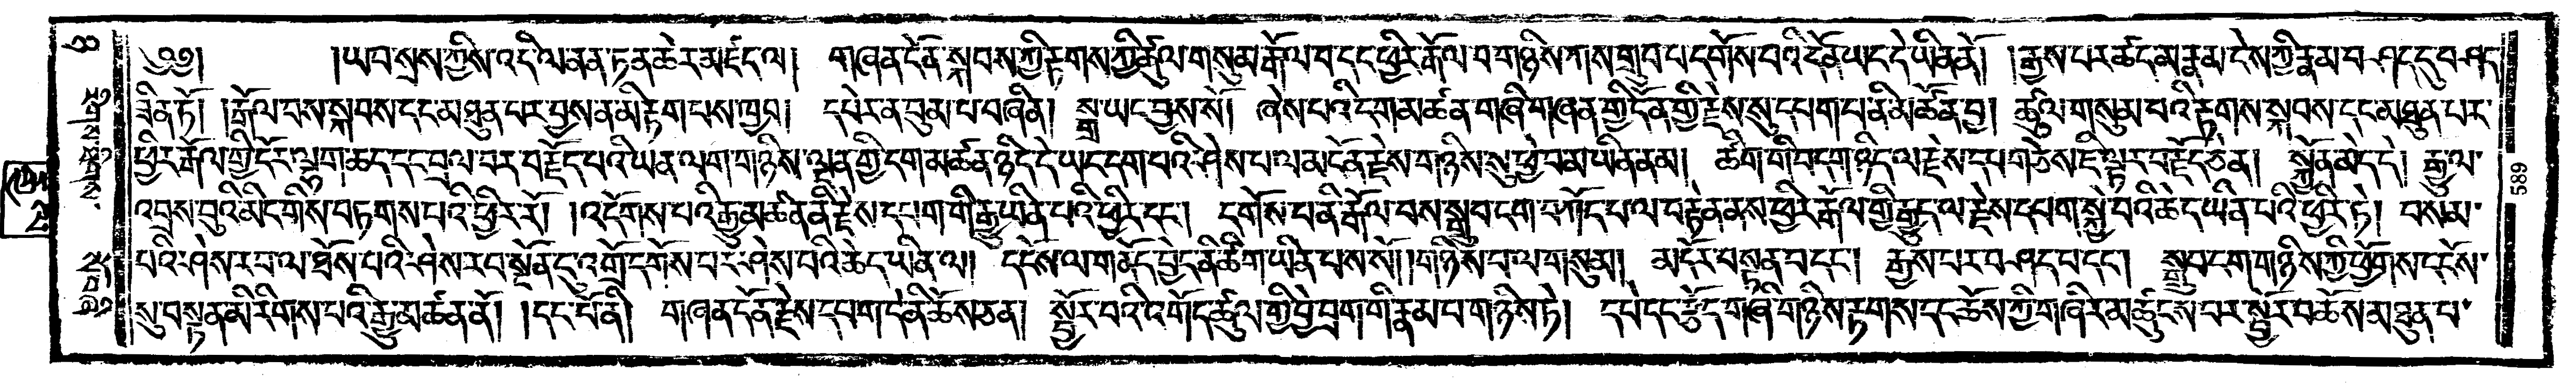༄༅། །ཡབ་སྲས་ཀྱིས་འདི་ལ་ནན་ཏན་ཆེར་མཛད་ལ། གཞན་དོན་སྐབས་ཀྱི་རྟགས་ཀྱི་ཚུལ་གསུམ་རྒོལ་བ་དང་ཕྱིར་རྒོལ་བ་གཉིས་ཀས་གྲུབ་པ་དགོས་པའི་དོན་ཡང་དེ་ཡིན་ནོ། །རྒྱས་པར་ཚད་མ་རྣམ་ངེས་ཀྱི་རྣམ་བཤད་དུ་བཤད་
ཟིན་ཏོ། །རྒོལ་བས་སྐབས་དང་མཐུན་པར་བྱས་ན་མི་རྟག་པས་ཁྱབ། དཔེར་ན་བུམ་པ་བཞིན། སྒྲ་ཡང་བྱས་སོ། ཞེས་པའི་དག་མཚན་གཞི་གཞན་གྱི་དོན་གྱི་རྗེས་སུ་དཔག་པ་ནི་མཚོན་བྱ། ཚུལ་གསུམ་པའི་རྟགས་སྐབས་དང་མཐུན་པར་
ཕྱིར་རྒོལ་གྱི་དོར་ལྷག་ཆད་དང་བྲལ་བར་བརྗོད་པའི་ཡན་ལག་གཉིས་ལྡན་གྱི་དག་མཚན་ཉིད་དེ་ཡང་དག་པའི་ཤེས་པ་ལ་མངོན་རྗེས་གཉིས་སུ་ཕྱེ་བ་མ་ཡིན་ནམ། ཚིག་གི་བདག་ཉིད་ལ་རྗེས་དཔག་གཅེས་ཇི་ལྟར་བརྗོད་ཅེ་ན། སྐྱོན་མེད་དེ། རྒྱུ་ལ་
འབྲས་བུའི་མིང་གིས་བཏགས་པའི་ཕྱིར་རོ། །འདོགས་པའི་རྒྱུ་མཚན་ནི་རྗེས་དཔག་གི་རྒྱུ་ཡིན་པའི་ཕྱིར་དང་། དགོས་པ་ནི་རྒོལ་བས་སྒྲུབ་དག་བཀོད་པ་ལ་བརྟེན་ནས་ཕྱིར་རྒོལ་གྱི་རྒྱུད་ལ་རྗེས་དཔག་སྐྱེ་བའི་ཆེད་ཡིན་པའི་ཕྱིར་ཏེ། བསམ་
པའི་ཤེས་རབ་ལ་ཐོས་པའི་ཤེས་རབ་སྔོན་དུ་འགྲོ་དགོས་པར་ཤེས་པའི་ཆེད་ཡིན་ལ། དངོས་ལ་གནོད་བྱེད་ནི་ཚིག་ཡིན་པས་སོ། །གཉིས་པ་ལ་གསུམ། མདོར་བསྟན་པ་དང་། རྒྱས་པར་བཤད་པ་དང་། སྒྲུབ་ངག་གཉིས་ཀྱི་ཕྱོགས་དངོས་
སུ་བསྟན་མི་རིགས་པའི་རྒྱུ་མཚན་ནོ། །དང་པོ་ནི། གཞན་དོན་རྗེས་དཔག་དེ་ནི་ཆོས་ཅན། སྦྱོར་བའི་འགོད་ཚུལ་གྱི་བྱེ་བྲག་གི་རྣམ་པ་གཉིས་ཏེ། དཔེ་དང་རྩོད་གཞི་གཉིས་རྟགས་དང་ཆོས་ཀྱི་གཞིར་མཚུངས་པར་སྦྱོར་བ་ཆོས་མཐུན་པ་